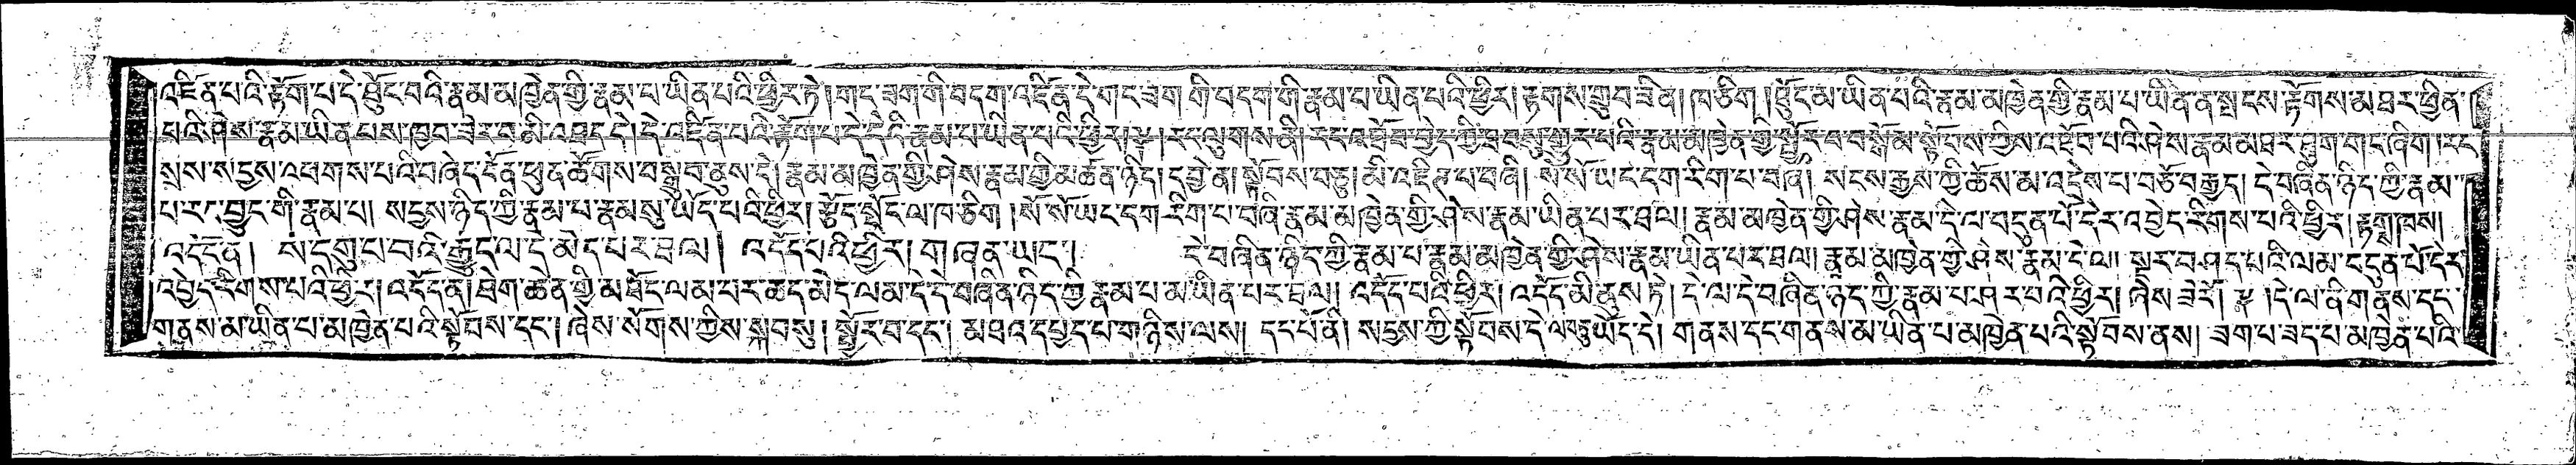འཛིན་པའི་རྟོག་པ་དེ་ཐུན་མོང་བའི་རྣམ་མཁྱེན་གྱི་རྣམ་པ་ཡིན་པའི་ཕྱིར་ཏེ། གང་ཟག་གི་བདག་འཛིན་དེ་གང་ཟག་གི་བདག་གི་རྣམ་པ་ཡིན་པའི་ཕྱིར། རྟགས་གྲུབ་ཟིན། ཁ་ཅིག །ཐུན་མོང་མ་ཡིན་པའི་རྣམ་མཁྱེན་གྱི་རྣམ་པ་ཡིན་ན་སྤངས་རྟོགས་མཐར་ཕྱིན་
པའི་ཤེས་རྣམ་ཡིན་པས་ཁྱབ་ཟེར་བ་མི་འཐད་དེ། དེ་འཛིན་པའི་རྟོག་པ་དེ་དེའི་རྣམ་པ་ཡིན་པའི་ཕྱིར། ༈ །རང་ལུགས་ནི། རང་འཐོབ་བྱེད་ཀྱི་ཐབས་སུ་གྱུར་པའི་རྣམ་མཁྱེན་གྱི་སྦྱོར་བ་བསྒོམས་སྟོབས་ཀྱིས་འཐོབ་པའི་ཤེས་རྣམ་མཐར་ཐུག་གང་ཞིག །རང་
སྲས་སངས་རྒྱས་འཕགས་པའི་བཞེད་དོན་ཕུན་ཚོགས་བསྒྲུབ་ནུས་དེ། རྣམ་མཁྱེན་གྱི་ཤེས་རྣམ་གྱི་མཚན་ཉིད། དབྱེ་ན། སྟོབས་བཅུ། མི་འཇིགས་པ་བཞི། སོ་སོ་ཡང་དག་རིག་པ་བཞི། སངས་རྒྱས་ཀྱི་ཆོས་མ་འདྲེས་པ་བཅོ་བརྒྱད། དེ་བཞིན་ཉིད་ཀྱི་རྣམ་
པ་རང་བྱུང་གི་རྣམ་པ། སངས་རྒྱས་ཉིད་ཀྱི་རྣམ་པ་རྣམ་སུ་ཡོད་པའི་ཕྱིར། རྩོད་སྤོང་ལ་ཁ་ཅིག །སོ་སོ་ཡང་དག་རིག་པ་བཞི་རྣམ་མཁྱེན་གྱི་ཤེས་རྣམ་ཡིན་པར་ཐལ། རྣམ་མཁྱེན་གྱི་ཤེས་རྣམ་དེ་ལ་བདུན་པོ་དེར་འབྱེད་རིགས་པའི་ཕྱིར། རྟགས་ཁས།
འདོད་ན། ས་དགུ་པ་བའི་རྒྱུད་ལ་དེ་མེད་པར་ཐལ། འདོད་པའི་ཕྱིར། གཞན་ཡང་། དེ་བཞིན་ཉིད་ཀྱི་རྣམ་པ་རྣམ་མཁྱེན་གྱི་ཤེས་རྣམ་ཡིན་པར་ཐལ། རྣམ་མཁྱེན་གྱི་ཤེས་རྣམ་དེ་ལ། སྔར་བཤད་པའི་ལམ་བདུན་པོ་དེར་
འབྱེད་རིགས་པའི་ཕྱིར། འདོད་ན། ཐེག་ཆེན་གྱི་མཐོང་ལམ་བར་ཆད་མེད་ལམ་དེ་དེ་བཞིན་ཉིད་ཀྱི་རྣམ་པ་མ་ཡིན་པར་ཐལ། འདོད་པའི་ཕྱིར། འདོད་མི་ནུས་ཏེ། དེ་ལ་དེ་བཞིན་ཉིད་ཀྱི་རྣམ་པ་ཤར་བའི་ཕྱིར། ཞེས་ཟེར་རོ། ༈ །དེ་ལ་ནི་གནས་དང་
གནས་མ་ཡིན་པ་མཁྱེན་པའི་སྟོབས་དང་། ཞེས་སོགས་ཀྱིས་སྐབས་སུ། སྦྱོར་བ་དང་། མཐའ་དཔྱད་པ་གཉིས་ལས། དང་པོ་ནི། སངས་རྒྱས་ཀྱི་སྟོབས་དེ་ལ་བཅུ་ཡོད་དེ། གནས་དང་གནས་མ་ཡིན་པ་མཁྱེན་པའི་སྟོབས་ནས། ཟག་པ་ཟད་པ་མཁྱེན་པའི་